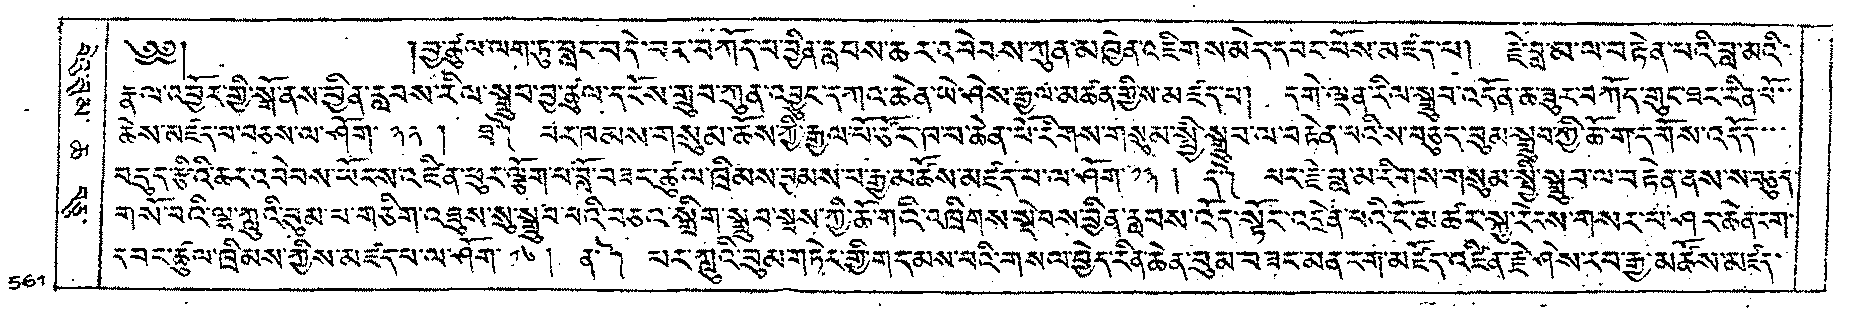༄༅། །བྱ་ཚུལ་ལག་ཏུ་བླང་བདེ་བར་བཀོད་པ་བྱིན་རླབས་ཆར་འབེབས་ཀུན་མཁྱེན་འཇིགས་མེད་དབང་པོས་མཛད་པ། རྗེ་བླ་མ་ལ་བརྟེན་པའི་བླ་མའི་
རྣལ་འབྱོར་གྱི་སྒོ་ནས་བྱིན་རླབས་རིལ་སྒྲུབ་བྱ་ཚུལ་དངོས་གྲུབ་ཀུན་འབྱུང་དཀའ་ཆེན་ཡེ་ཤེས་རྒྱལ་མཚན་གྱིས་མཛད་པ། དགེ་ལྡན་རིལ་སྒྲུབ་འདོན་ཆ་ཟུར་བཀོད་གུང་ཐང་རིན་པོ་
ཆེས་མཛད་པ་བཅས་ལ་ཤོག ༢༢། ཐ྄་པར་ཁམས་གསུམ་ཆོས་ཀྱི་རྒྱལ་པོ་ཙོང་ཁ་པ་ཆེན་པོ་རིགས་གསུམ་སྤྱི་སྒྲུབ་ལ་བརྟེན་པའི་ས་བཅུད་བུམ་སྒྲུབ་ཀྱི་ཆོ་ག་དགོས་འདོད་
བདུད་རྩིའི་ཆར་འབེབས་ཡོངས་འཛིན་ཕུར་ལྕོ་ག་པ་བློ་བཟང་ཚུལ་ཁྲིམས་བྱམས་པ་རྒྱ་མཚོས་མཛད་པ་ལ་ཤོག ༡༣། ད྄་པར་རྗེ་བླ་མ་རིགས་གསུམ་སྤྱི་སྒྲུབ་ལ་བརྟེན་ནས་ས་བཅུད་
གསོ་བའི་ལྷ་ཀླུའི་བུམ་པ་གཅིག་འཐུས་སུ་སྒྲུབ་པའི་བཅའ་སྒྲིག་སྒྲུབ་སྦས་ཀྱི་ཆོ་གའི་འཁྲིགས་སྡེབས་བྱིན་རླབས་འོད་སྟོང་འདྲེན་པའི་ངོ་མཚར་སྐྱ་རེངས་གསར་པ་ཤར་ཆེན་ངག་
དབང་ཚུལ་ཁྲིམས་ཀྱིས་མཛད་པ་ལ་ཤོག ༡༦། ན྄་པར་ཀླུའི་བུམ་གཏེར་གྱི་གདམས་པའི་གསལ་བྱེད་རིན་ཆེན་བུམ་བཟང་མན་ངག་མཛོད་འཛིན་རྗེ་ཤེས་རབ་རྒྱ་མཚོས་མཛད་